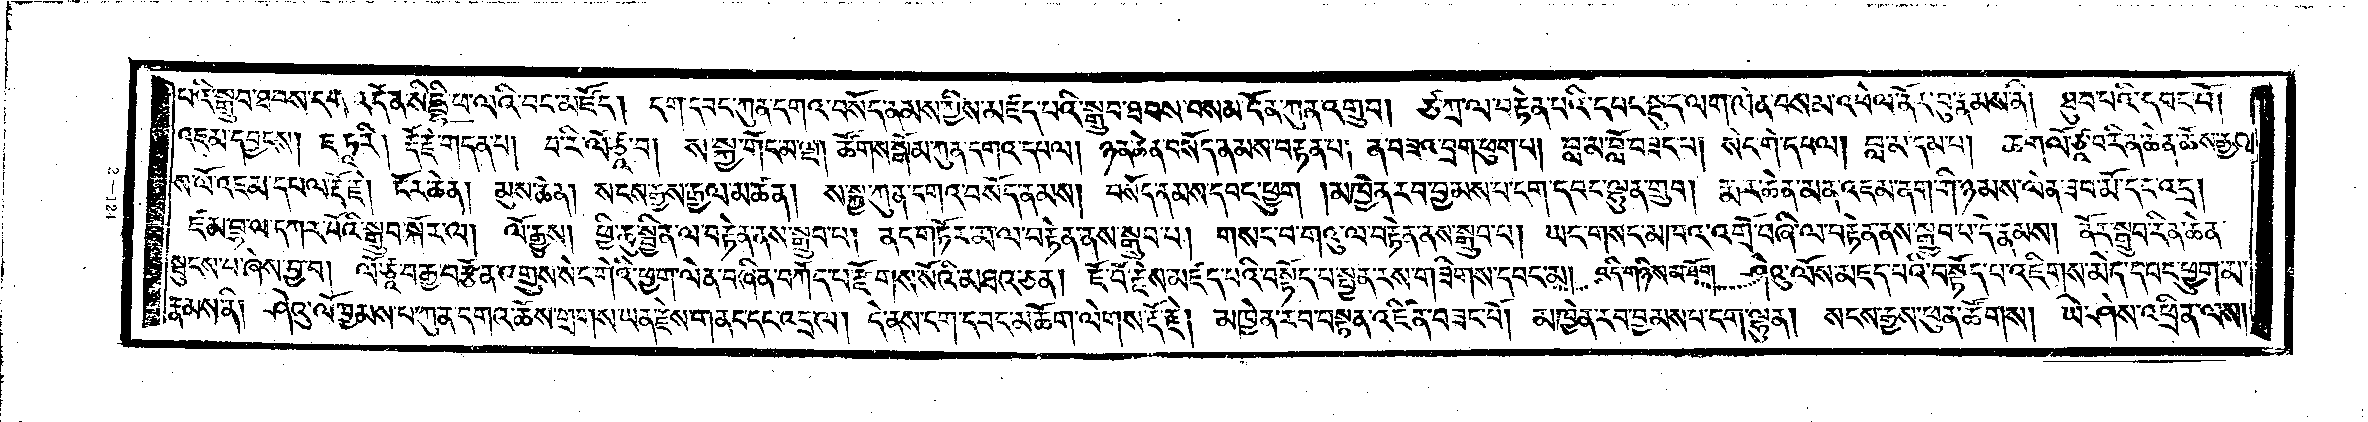པའི་སྒྲུབ་ཐབས་དགའ་དོན་སིདྡྷི་ཕ་ལའི་བང་མཛོད། ངག་དབང་ཀུན་དགའ་བསོད་ནམས་ཀྱིས་མཛད་པའི་སྒྲུབ་ཐབས་བསམ་དོན་ཀུན་འགྲུབ། ཙ་ཀྲ་ལ་བརྟེན་པའི་དབང་སྡུད་ལག་ལེན་བསམ་འཕེལ་ནོར་བུ་རྣམས་ནི། ཐུབ་པའི་དབང་པོ།
འཇམ་དབྱངས། ཇ་ཏཱ་རི། རྡོ་རྗེ་གདན་པ། བ་རི་ལོ་ཙཱ་བ། ས་སྐྱ་གོང་མ་ལྔ། ཚོགས་སྒོམ་ཀུན་དགའ་དཔལ། ཉན་ཆེན་བསོད་ནམས་བརྟན་པ། ན་བཟའ་བྲག་ཕུག་པ། བླ་མ་བློ་བཟང་པ། སེང་གེ་དཔལ། བླ་མ་དམ་པ། ཆག་ལོ་ཙཱ་བ་རིན་ཆེན་ཆོས་རྒྱལ།
ས་ལོ་འཇམ་དཔལ་རྡོ་རྗེ། ངོར་ཆེན། མུས་ཆེན། སངས་རྒྱས་རྒྱལ་མཚན། ས་སྐྱ་ཀུན་དགའ་བསོད་ནམས། བསོད་ནམས་དབང་ཕྱུག །མཁྱེན་རབ་བྱམས་པ་ངག་དབང་ལྷུན་གྲུབ། རྨར་ཆེན་མན་འཇམ་ནག་གི་ཉམས་ལེན་ཟབ་མོ་དང་འདྲ།
ཛམྦྷ་ལ་དཀར་པོའི་སྒྲུབ་སྐོར་ལ། ལོ་རྒྱུས། ཕྱི་ཆུ་སྦྱིན་ལ་བརྟེན་ནས་སྒྲུབ་པ། ནང་གཏོར་མ་ལ་བརྟེན་ནས་སྒྲུབ་པ། གསང་བ་གའུ་ལ་བརྟེན་ནས་སྒྲུབ་པ། ཡང་གསང་མཁའ་འགྲོ་བཞི་ལ་བརྟེན་ནས་སྒྲུབ་པ་དེ་རྣམས། ནོར་སྒྲུབ་རིན་ཆེན་
སྤུངས་པ་ཞེས་བྱ་བ། ལོ་ཙཱ་བརྒྱ་བརྩོན་འགྲུས་སེང་གེའི་ཕྱག་ལེན་བཞིན་བཀོད་པ་རྫོགས་སོའི་མཐའ་ཅན། ཇོ་བོ་རྗེས་མཛད་པའི་བསྟོད་པ་སྤྱན་རས་གཟིགས་དབང་མ། འདི་གཉིས་མ་ཐོབ།  ཤེའུ་ལོས་མཛད་པའི་བསྟོད་པ་འཇིགས་མེད་དབང་ཕྱུག་མ་
རྣམས་ནི། ཤེའུ་ལོ་བྱམས་པ་ཀུན་དགའ་ཆོས་གྲགས་ཡན་རྗེས་གནང་དང་འདྲ་ལ། དེ་ནས་ངག་དབང་མཆོག་ལེགས་རྡོ་རྗེ། མཁྱེན་རབ་བསྟན་འཛིན་བཟང་པོ། མཁྱེན་རབ་བྱམས་པ་ངག་ལྷུན། སངས་རྒྱས་ཕུན་ཚོགས། ཡེ་ཤེས་འཕྲིན་ལས།